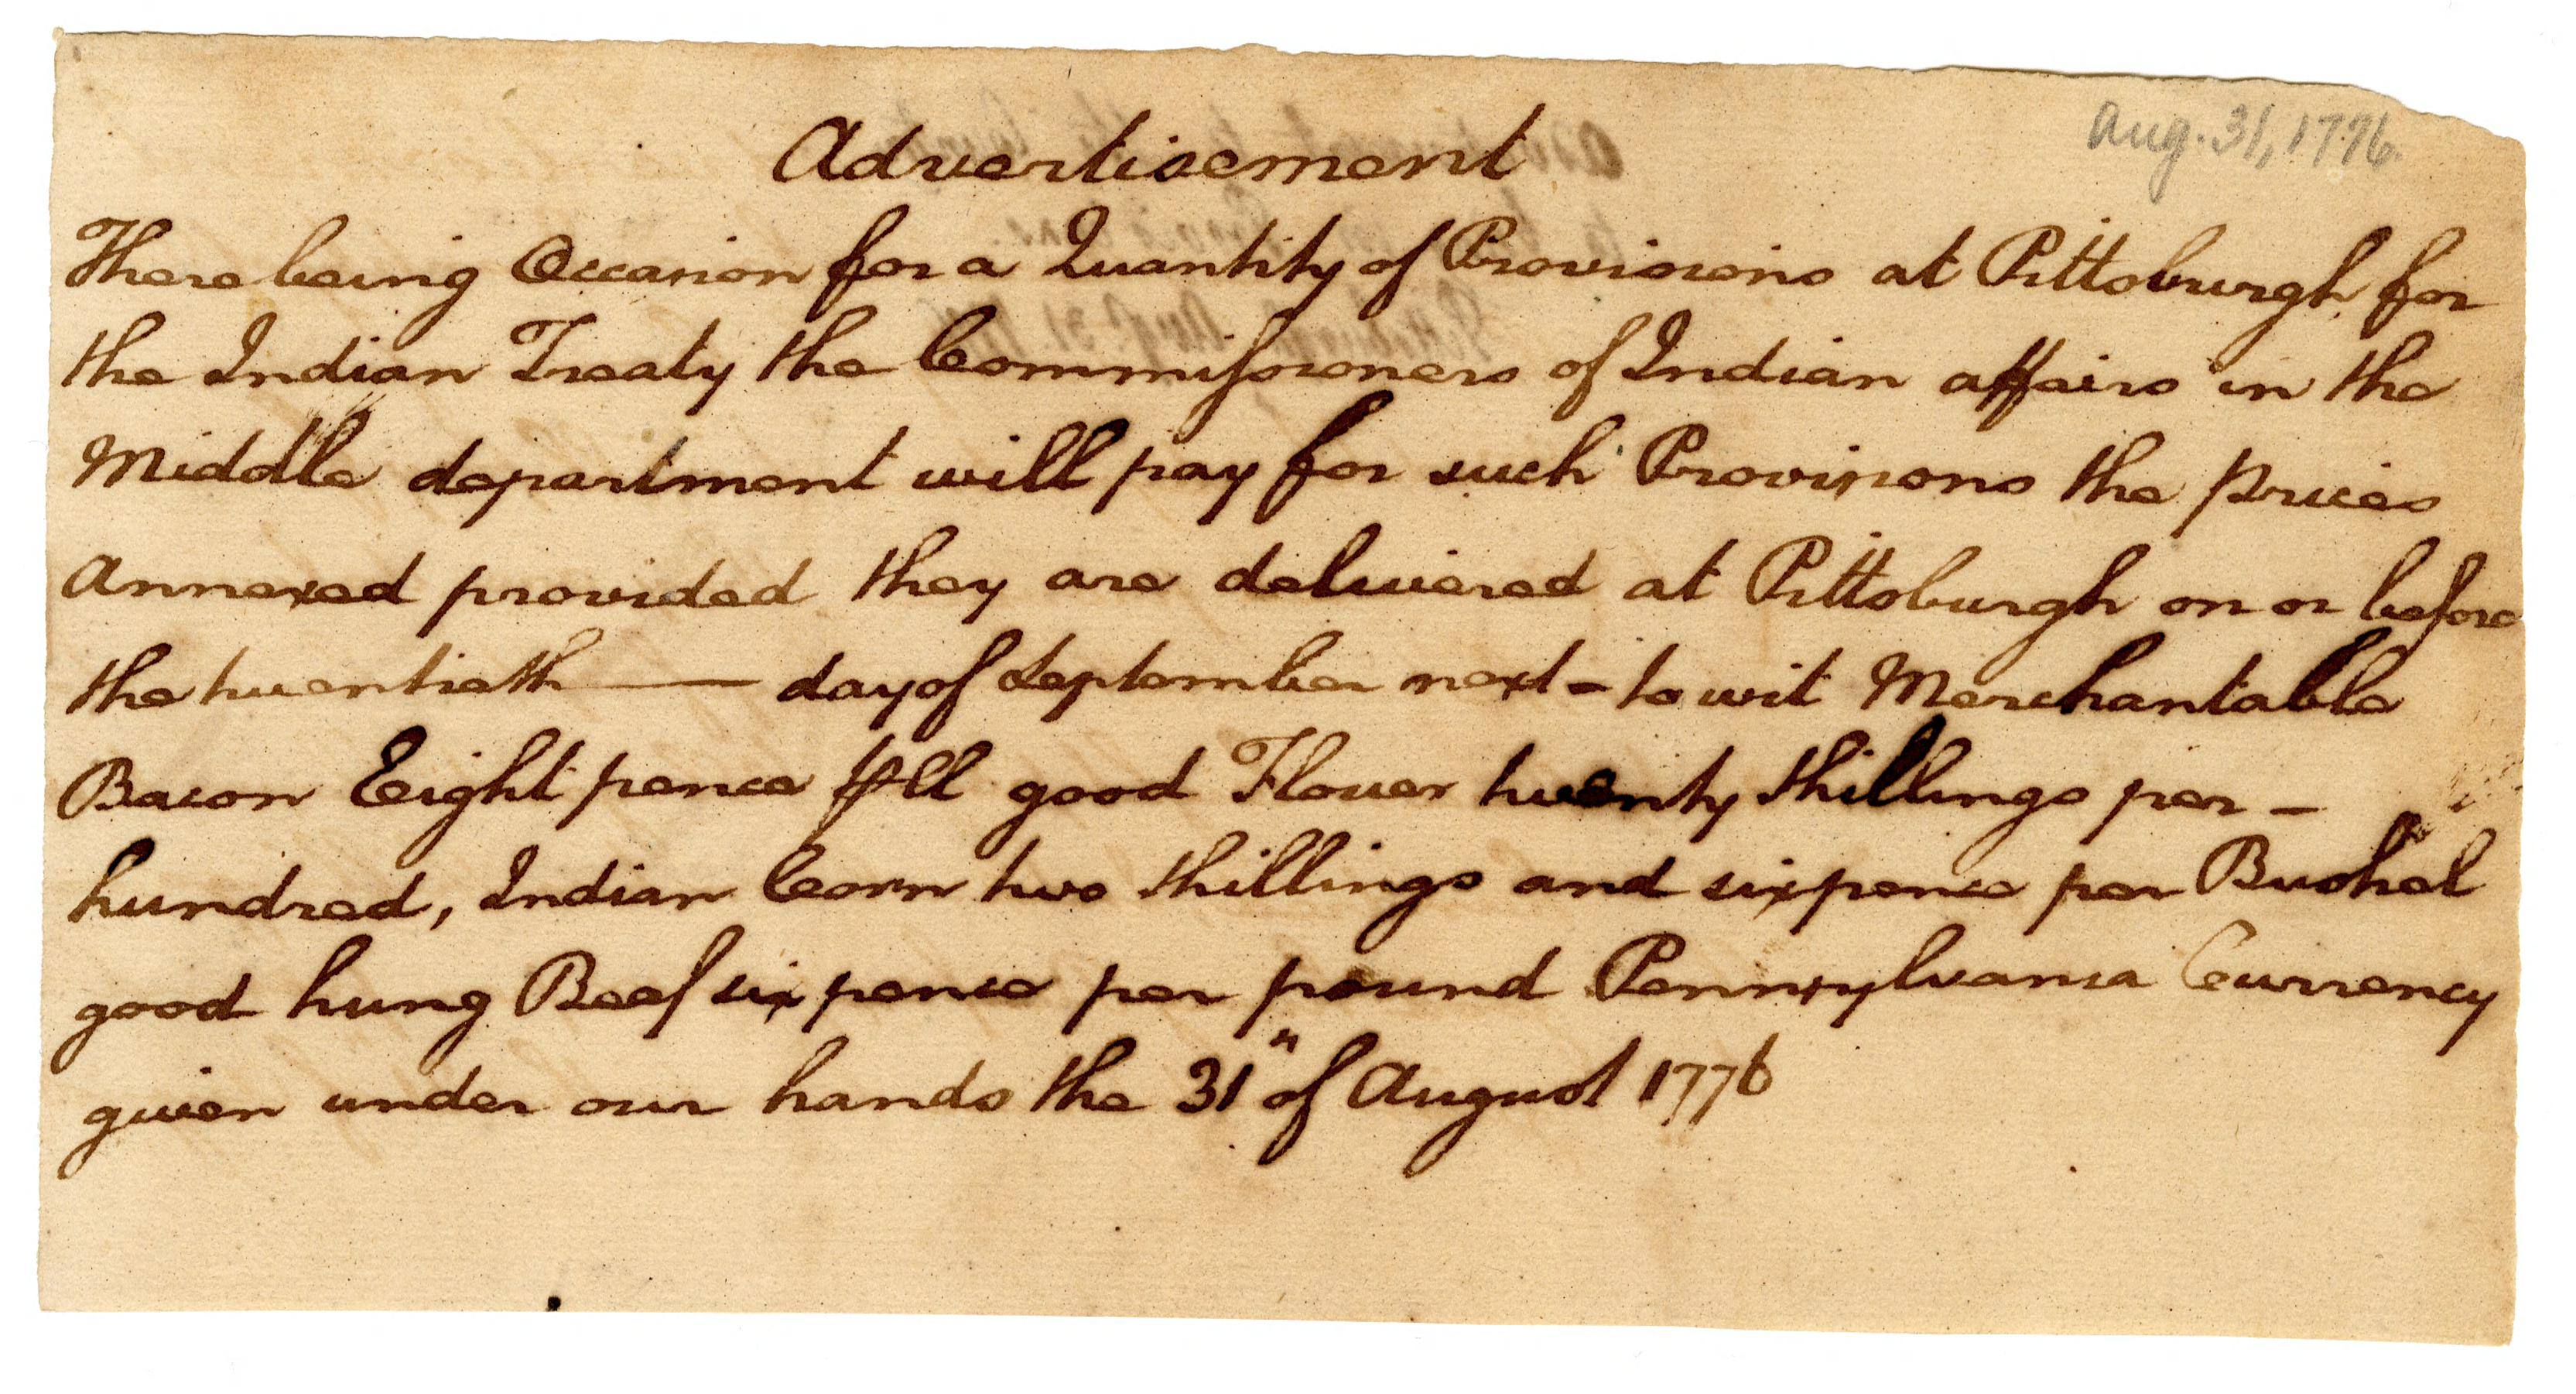Advertisement
There being Occasion for a Quantity of Provisions at Pittsburgh for
the Indian Treaty the Commissioners of Indian affairs in the
Middle department will pay for such Provisions the Prices
Annexed provided they are delivered at Pittsburgh on or before
the twentieth – day of September next- to wit Merchantable
Bacon Eight pence all good Flouer twenty Shillings per
hundred, Indian corn two shillings and six pences per Bushel
good hung Beef six pence per pound Pennsylvania Currency
given under our hands the 31^t of August 1776